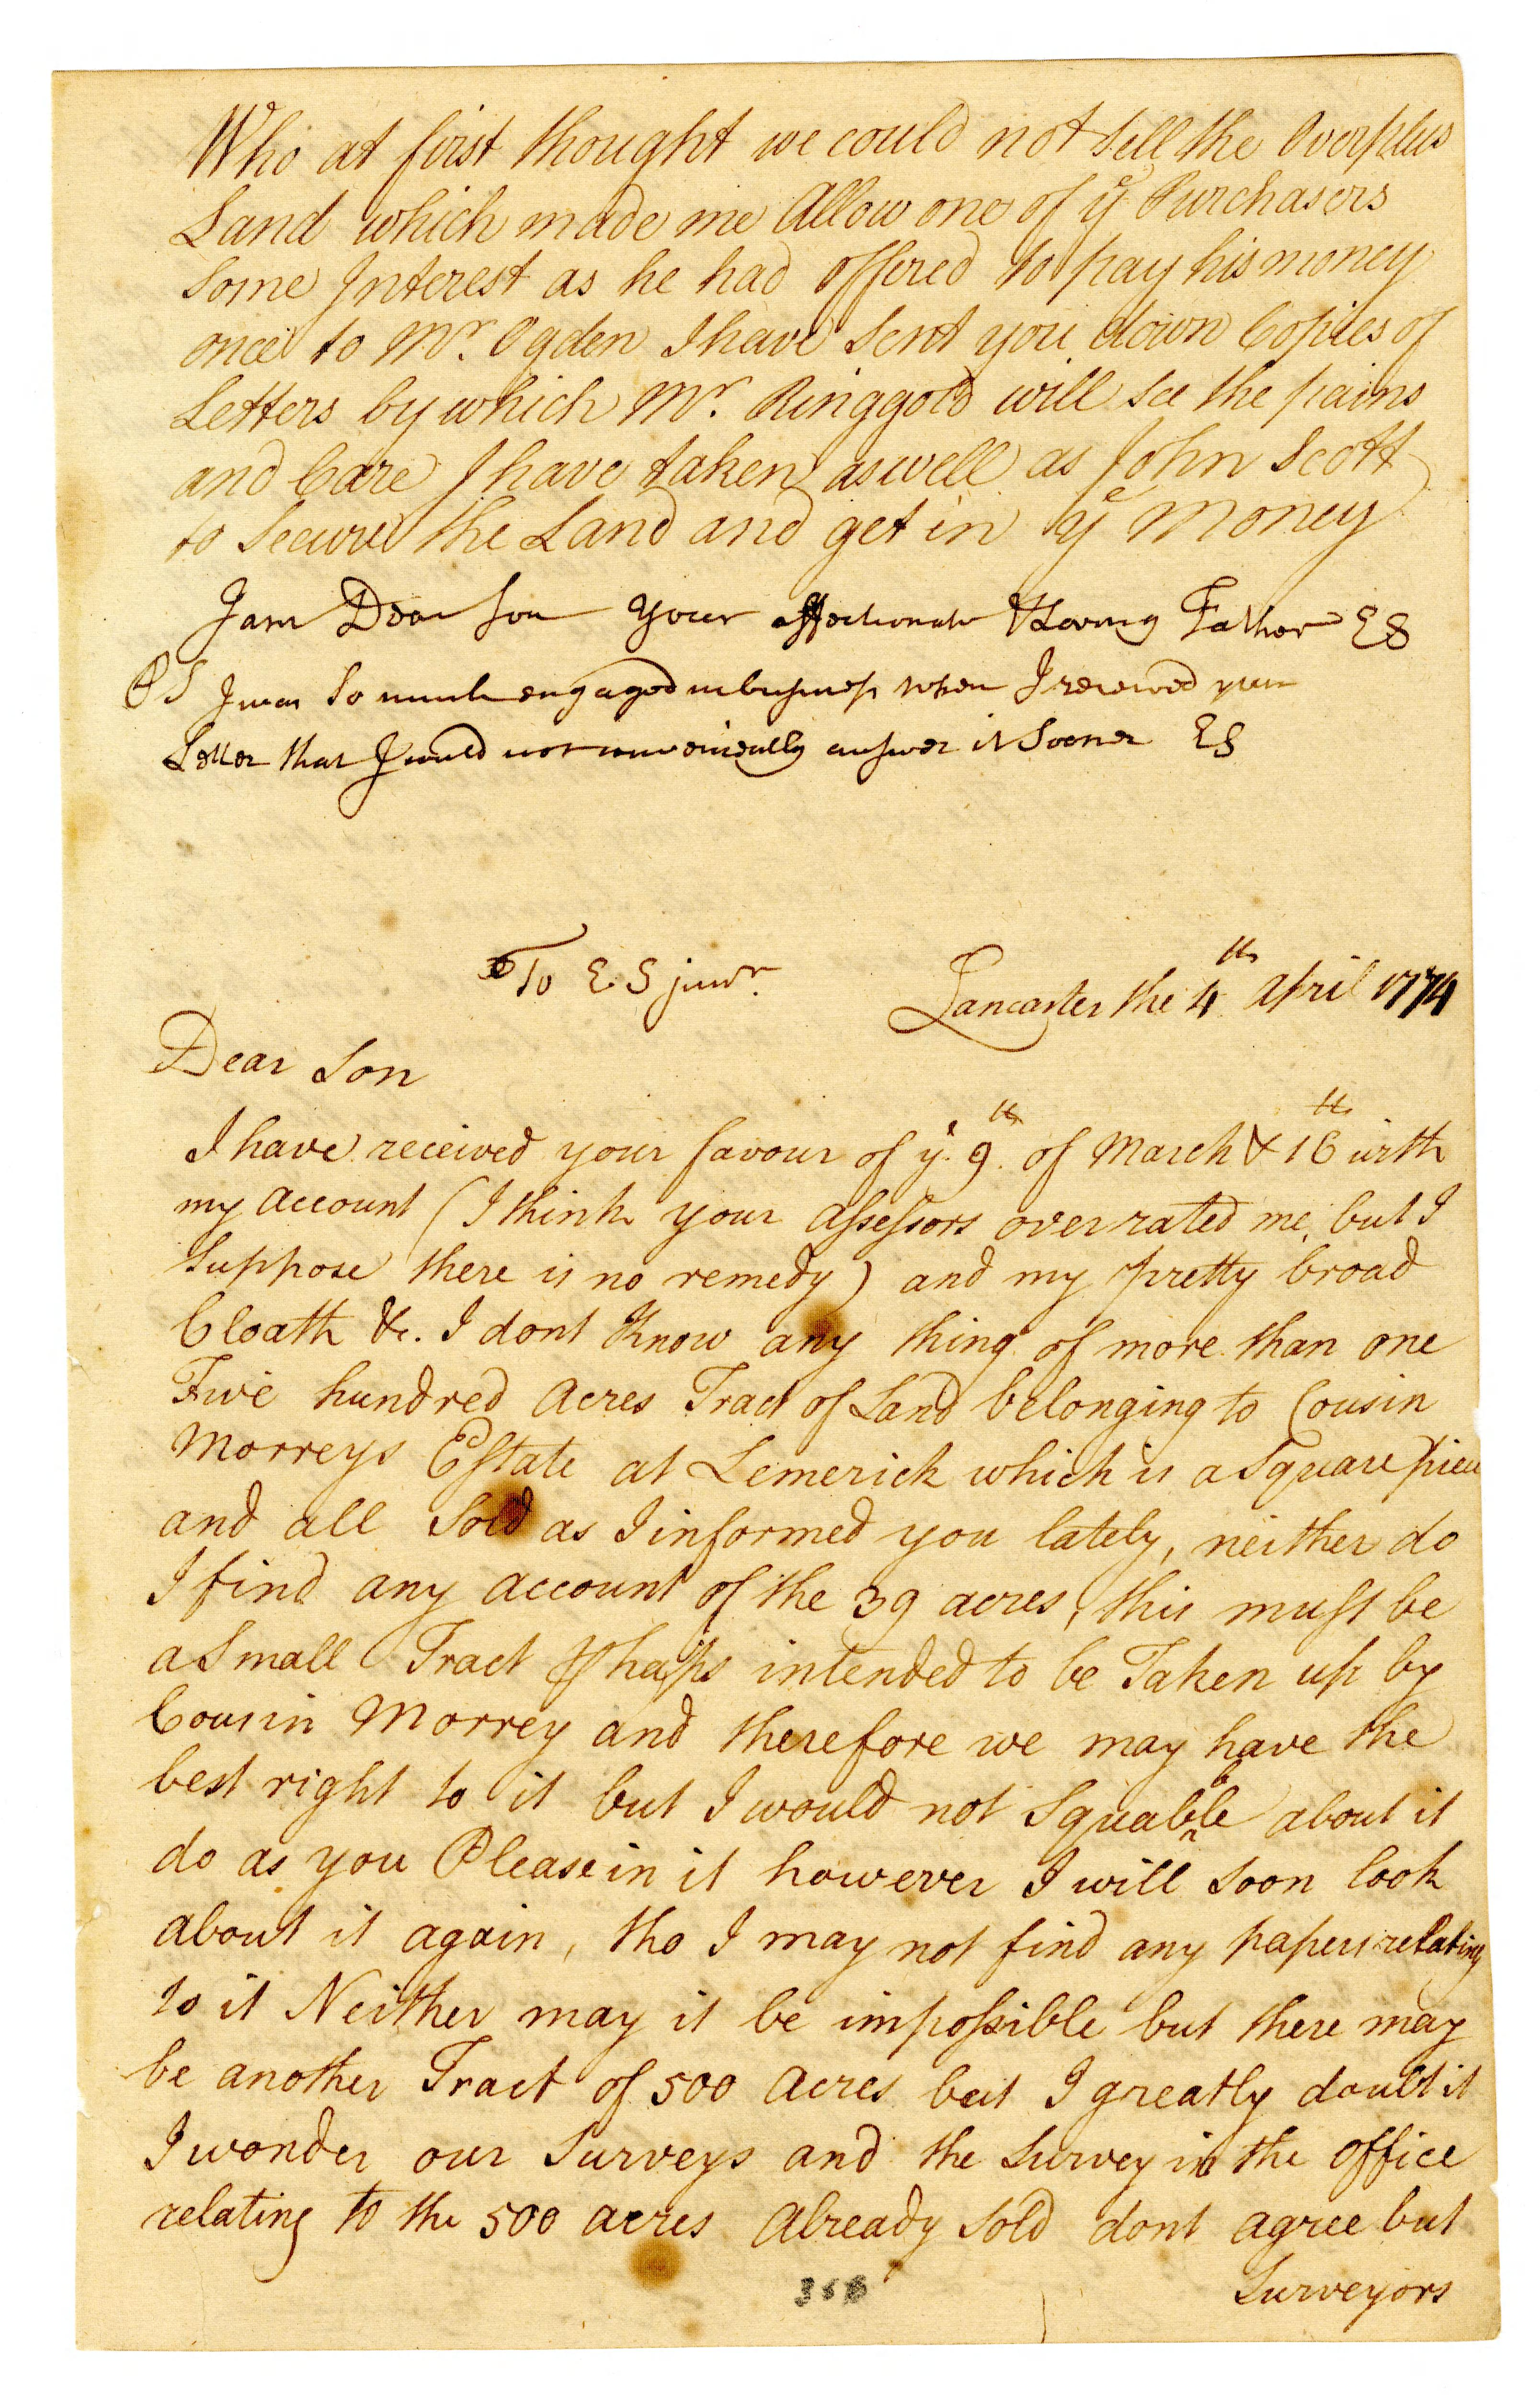Who at first thought we could not sell the overplus
Land which made me Allow one of y^e Purchasers
Some Interest as he had offered to pay his money
once to M^r. Ogden I have Sent you down Copies of
Letters by which M^r. Ringgold will see the pains
and Care I have taken as well as John Scott
to Secure the Land and get in y^e Money
I am Dear Son Your affectionate & Loving Father ES
PS I was so much engaged in business when I received your
Letter that I could not immediedetly answer it Sooner ES
To ES jun^r
Lancaster the 4^th April 1774
Dear Son
I have received your favour of y^e. 9.^th of March the 16^th with
my Account (I think your Assessors overrated me, but I
Suppose there is no remedy) and my pretty broad
Cloath &c. I dont know any thing of more than one
Five hundred Acres Tract of Land belonging to Cousin
Morreys Estate at Lemerick which is a square piece
and all Sold as I informed you lately, neither do
I find any account of the 39 acres, this must be
a Small Tract perhaps intended to be Taken up by
Cousin Morrey and therefore we may have the
best right to it but I would not Squab^ble about it
do as you Please in it however I will soon look
about it again, tho I may not find any papers relating
to it Neither may it be impossible but there may
be another Tract of 500 Acres but I greatly doubt it
I wonder our Surveys and the Survey in the Office
relating to the 500 acres Already sold dont agree but
Surveyors